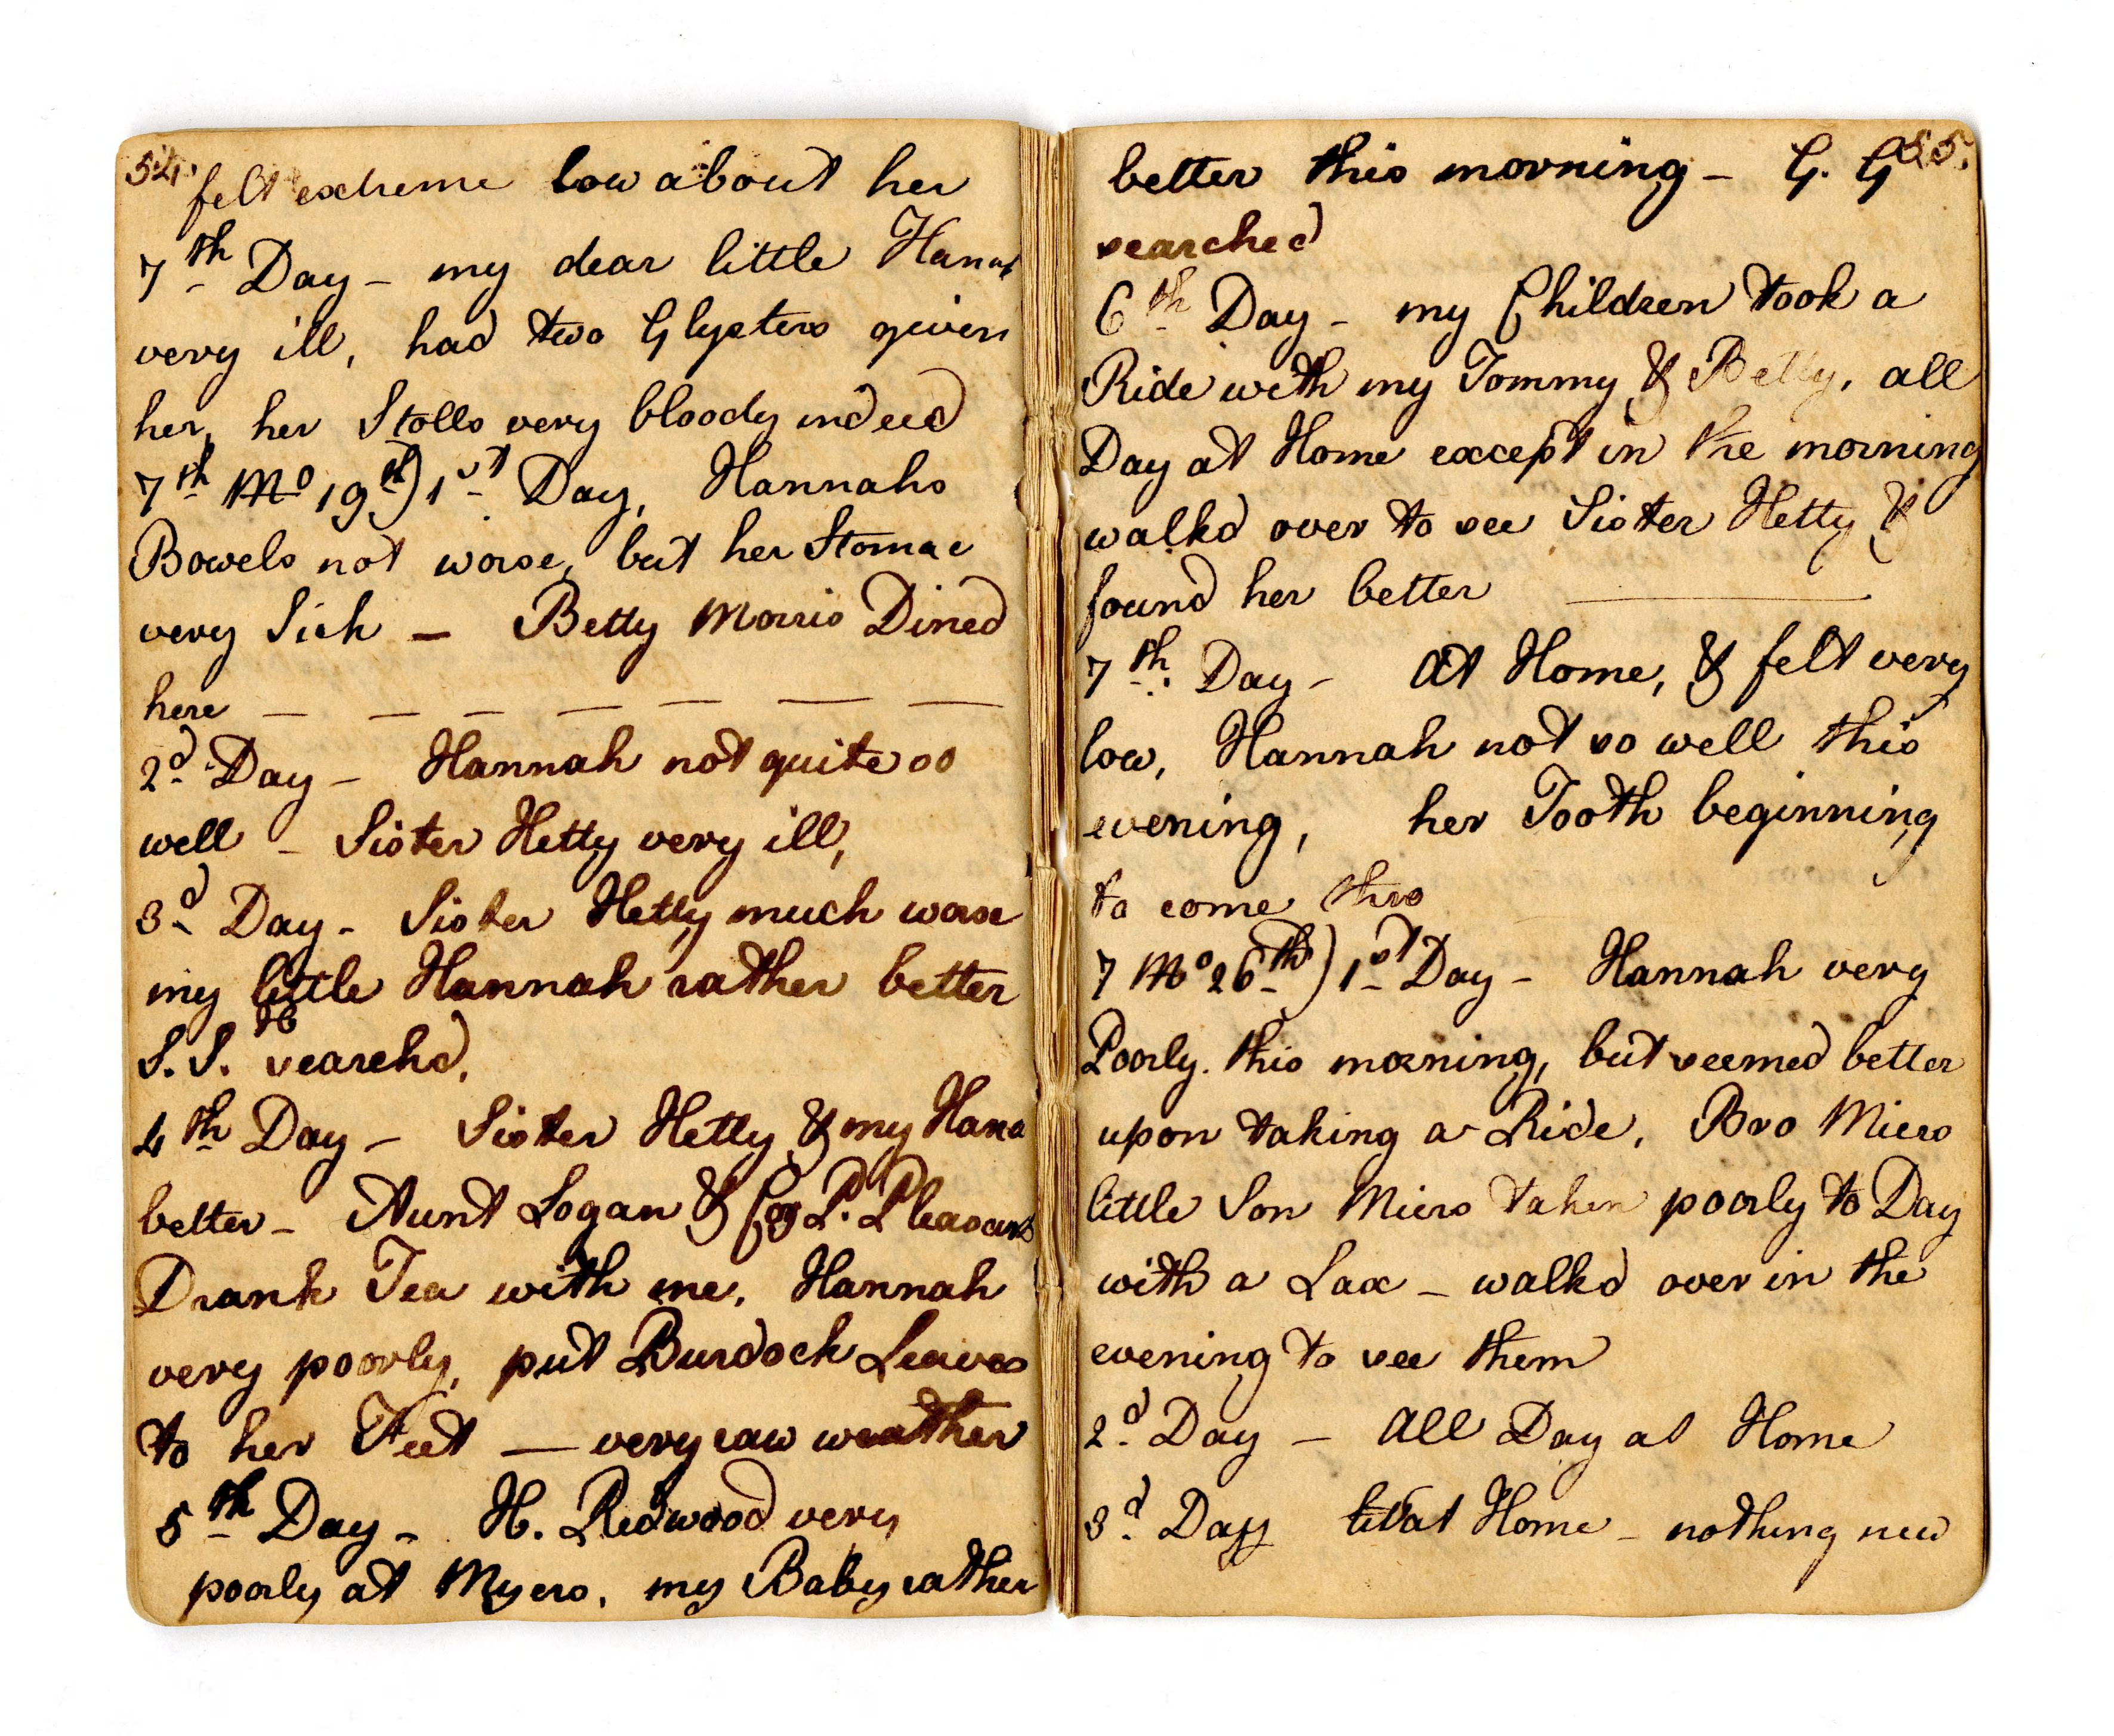54
felt extreme low about her
7^th Day- my dear little Hanah
very ill, had two Glysters given
her, her Stolls very bloody indeed
7^th M^o 19^th) 1^st Day, Hannahs
Bowels not worse, but her Stomac
very Sick- Betty Morris Dined
here-
2^d Day- Hannah not quite so
well - Sister Hetty very ill
3^d Day- Sister Hetty much worse
my little Hannah rather better
S.S. searchd.
H
4^th Day- Sister Hetty & my Hana
better- Aunt Logan & Coz P. Pleasants
Drank Tea with me, Hannah
very poorly, put Burdock Leaves
to her Feet- very raw weather
5^th Day- H. Redwood very
poorly at Myers, my Baby rather,
55
better this morning- G. G
searched
6^th Day- my Children took a
Ride with my Tommy & Betty, all
Day at Home except in the morning
walkd over to see Sister Hetty &
found her better
7^th Day- At Home, & felt very
low, Hannah not so well this
evening, her Tooth beginning
to come thro
7 M^o 26^th) 1^st Day- Hannah very
Poorly. this morning, but seemed better
upon taking a Ride, Bro' Miers
little Son Miers taken poorly to Day
with a Lax- walkd over in the
evening to see them
2^d Day- All Day at Home
3^d. Day- [litt] at Home- nothing new